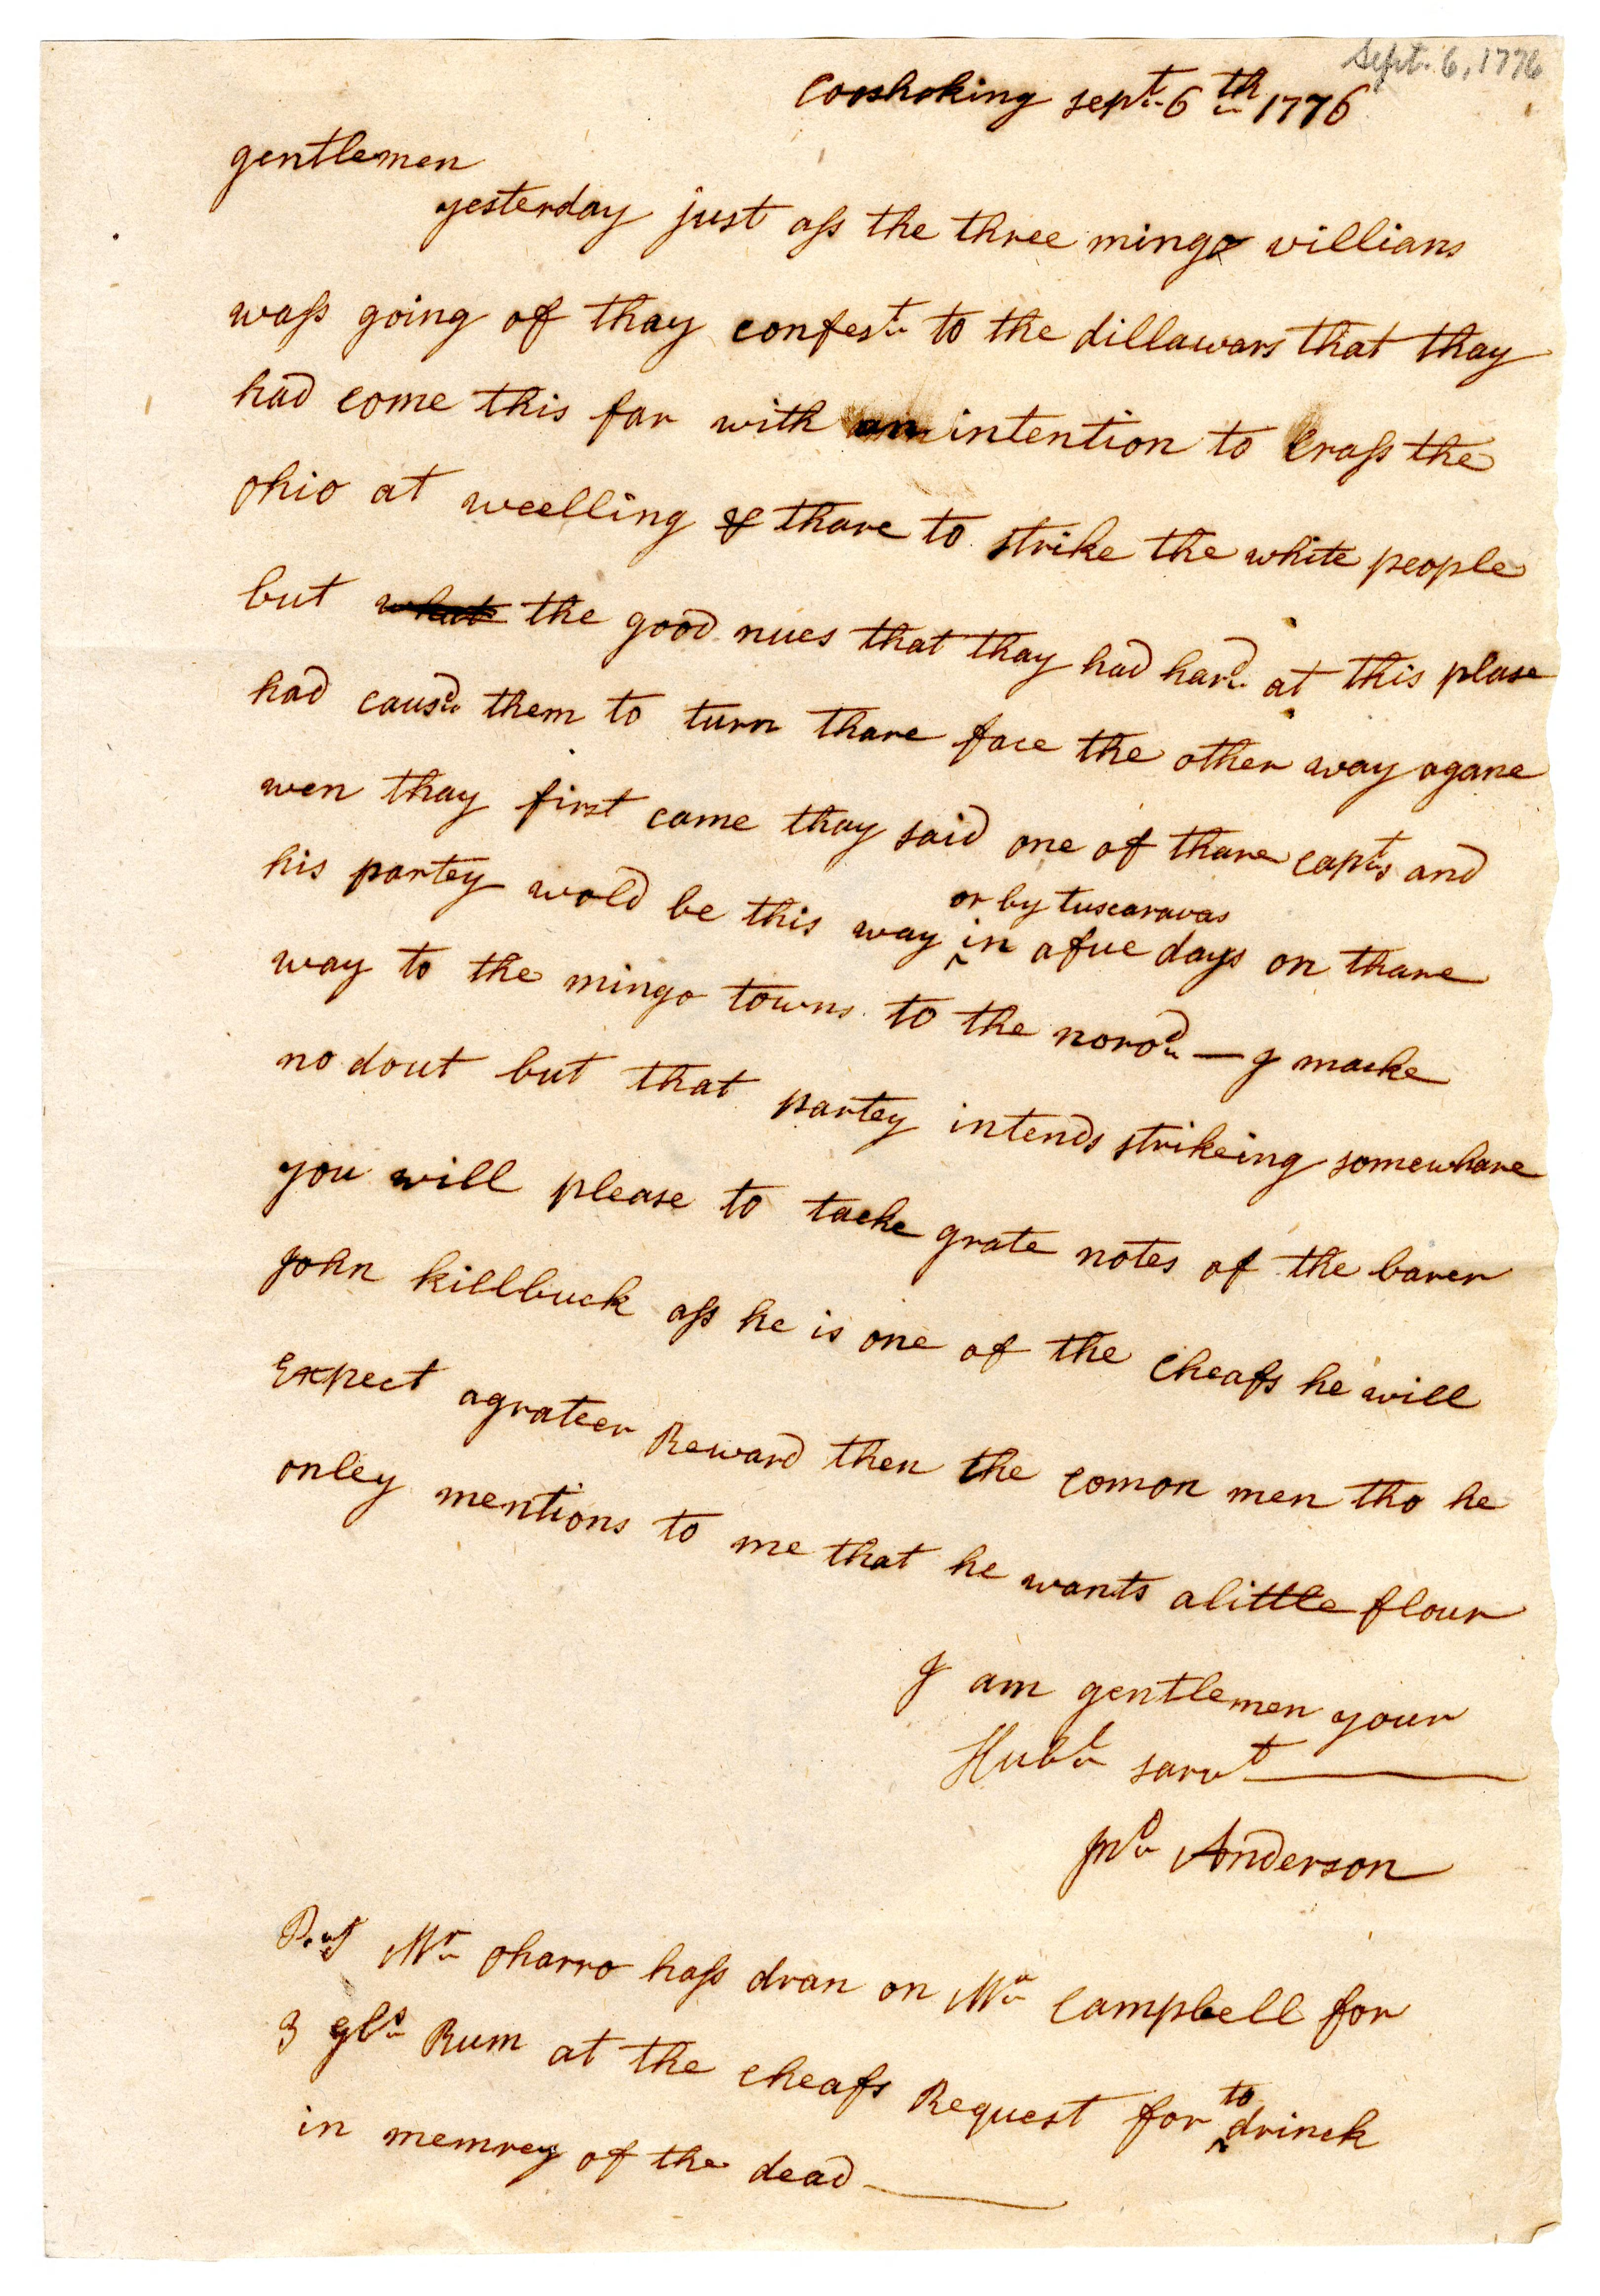Cooshoking sep^t. 6 ^th 1776
gentlemen
yesterday just ass the three mingo villians
wass going of thay confes^t to the dillawars that thay
had come this far with an intention to crass the
Ohio at weelling & thare to strike the white people
but what the good nues that thay had har^d at this plase
had caus^d them to turn thare face the other way agane
wen thay first came thay said one of thare cap^ts and
his partey wold be this way ^ in a fue days on thare
way to the mingo towns to the noro^d- I macke
or by tuscarawas
no dout but that partey intends strikeing somewhere
you will please to tacke grate notes of the barer
John killbuck ass he is one of the cheafs he will
expect a grateer Reward then the comon men tho he
onley mentions to me that he wants alittle flour
I am gentlemen your
Hub^l sarv^t-
Jn^o Anderson
P. S M^r. Oharro hass dran on M^r. Campbell for
3 gl^s. Rum at the cheafs Request for ^ drinck
in memrey of the dead-
to